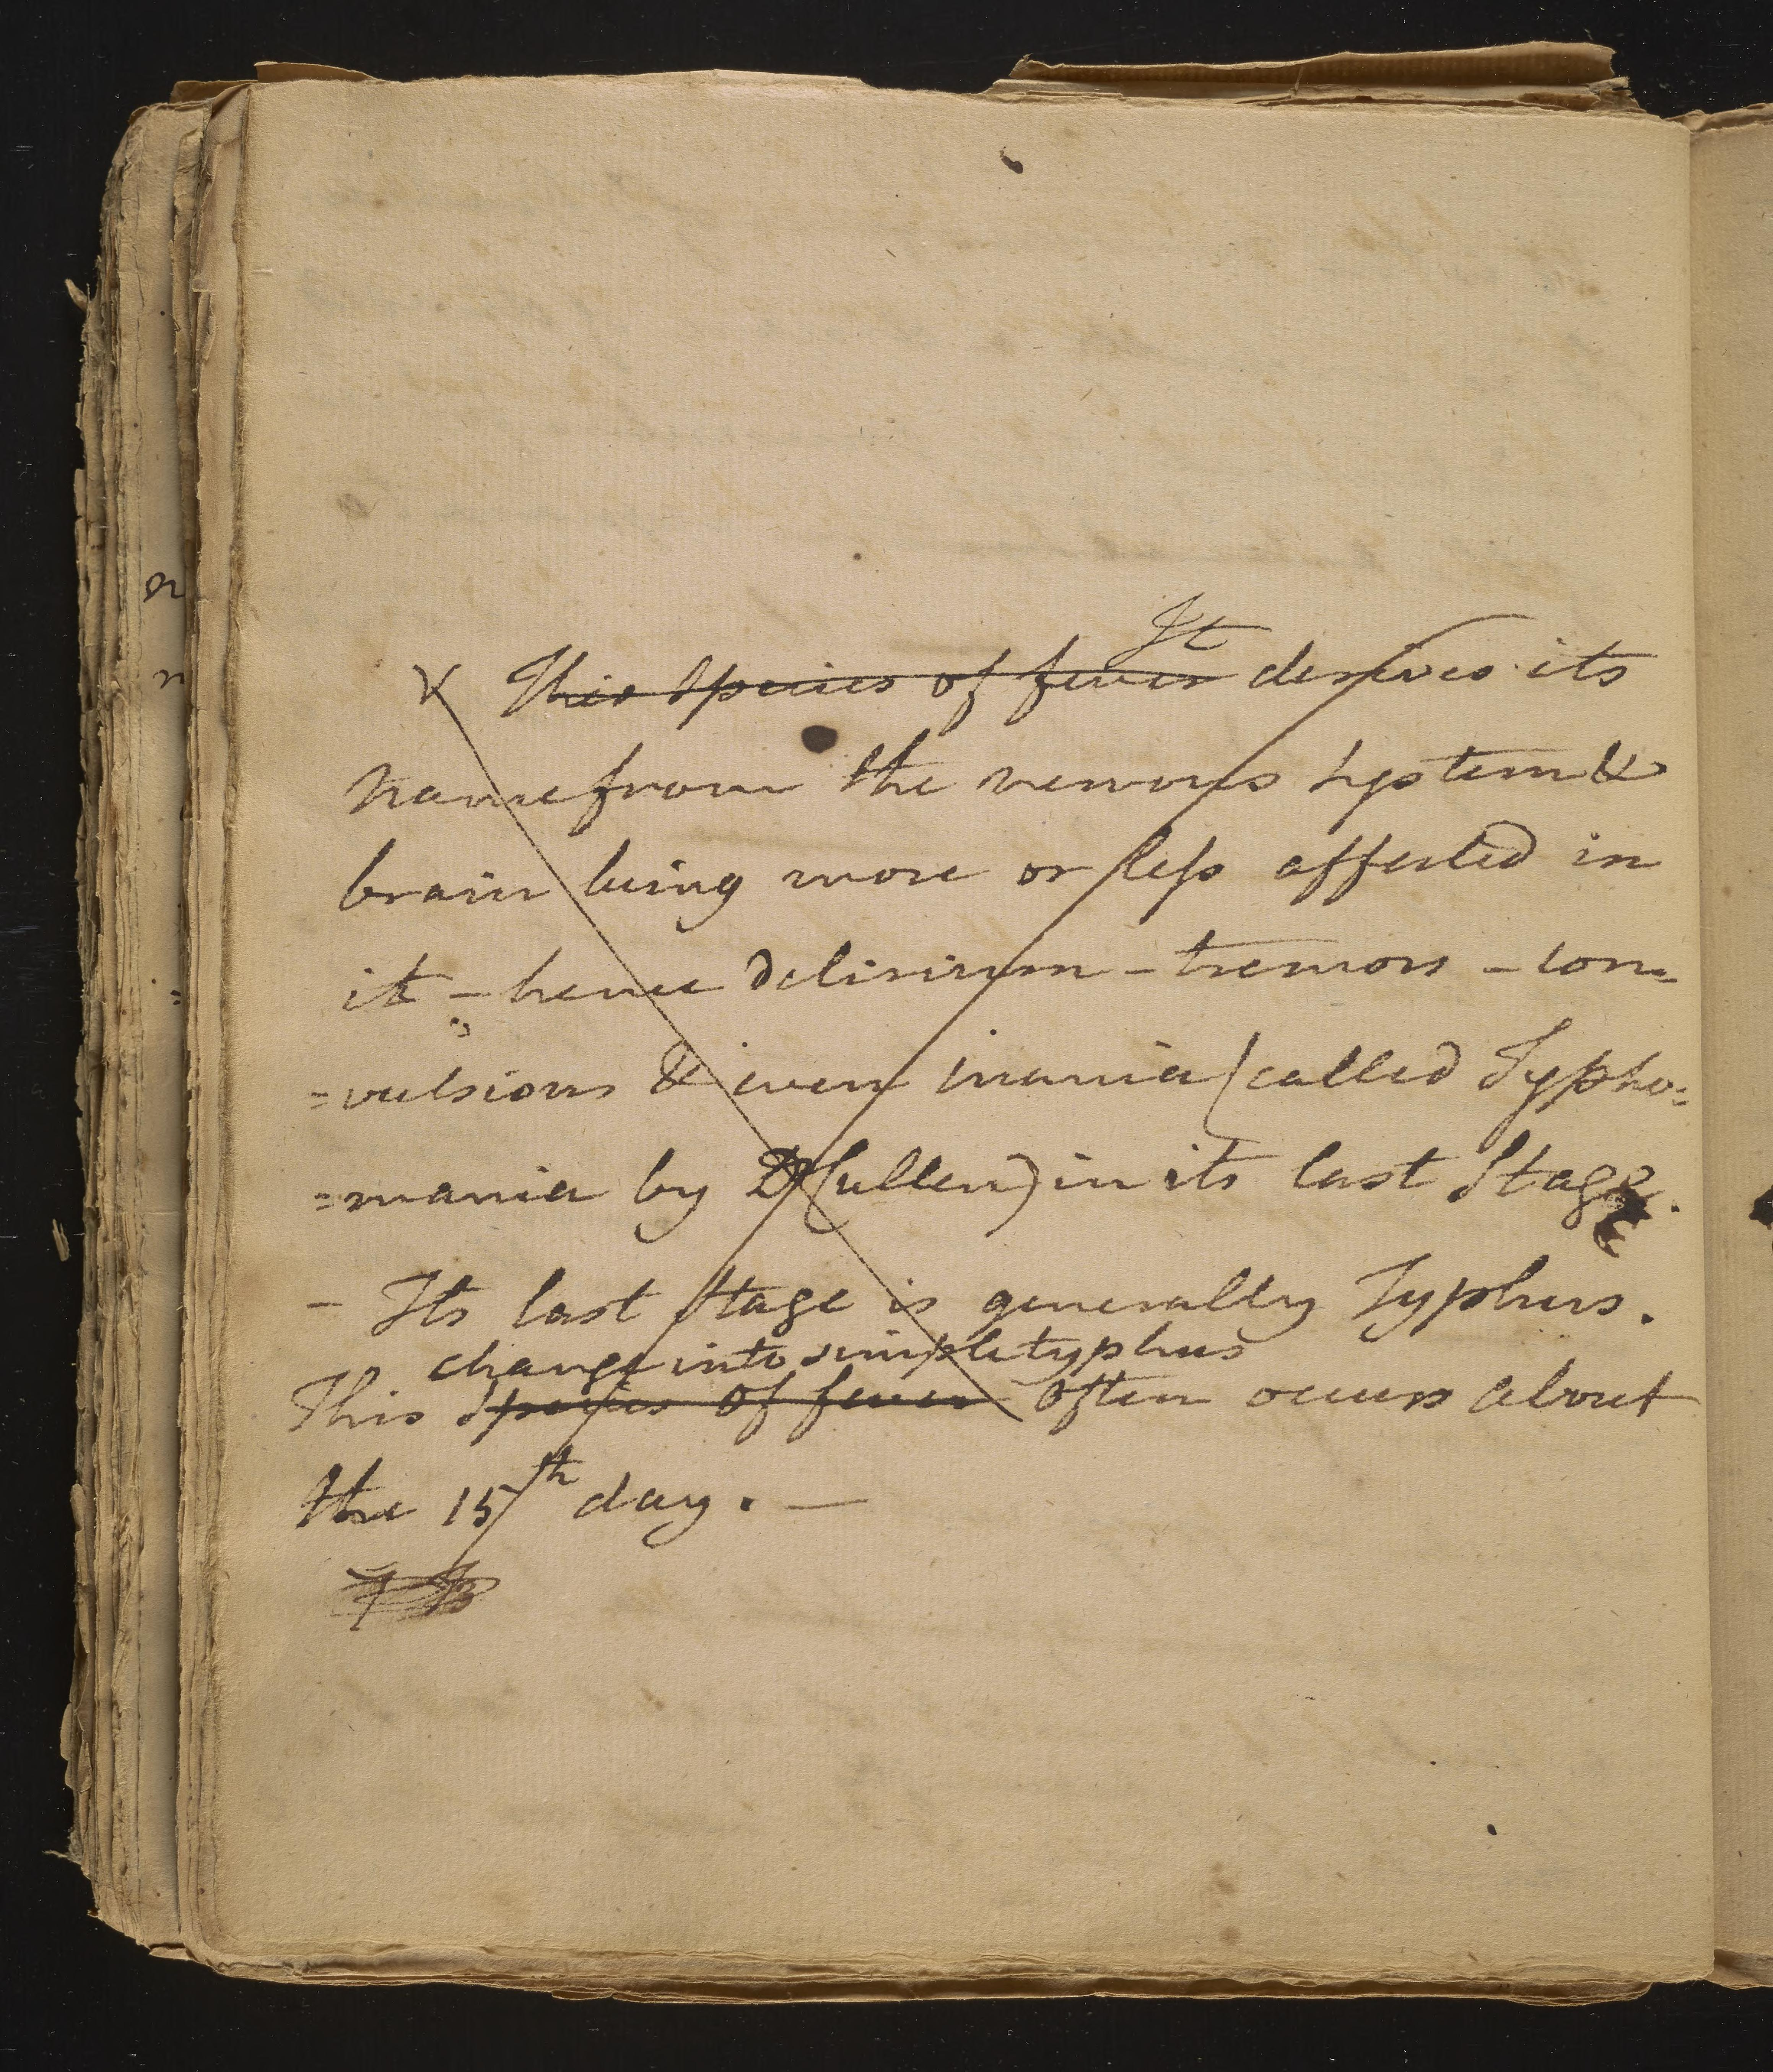It
[This species of fever] derives its
name from the nervous system &
brain being more or less affected in
it- hence delirium- tremors- con-
-vulsions & even mania (called Sypho-
-mania by D^r Cullen) in its last Stage.
The last stage is generally Typhus.
changes into simple typhus
This [species of fever] often occurs about
the 15^th day.